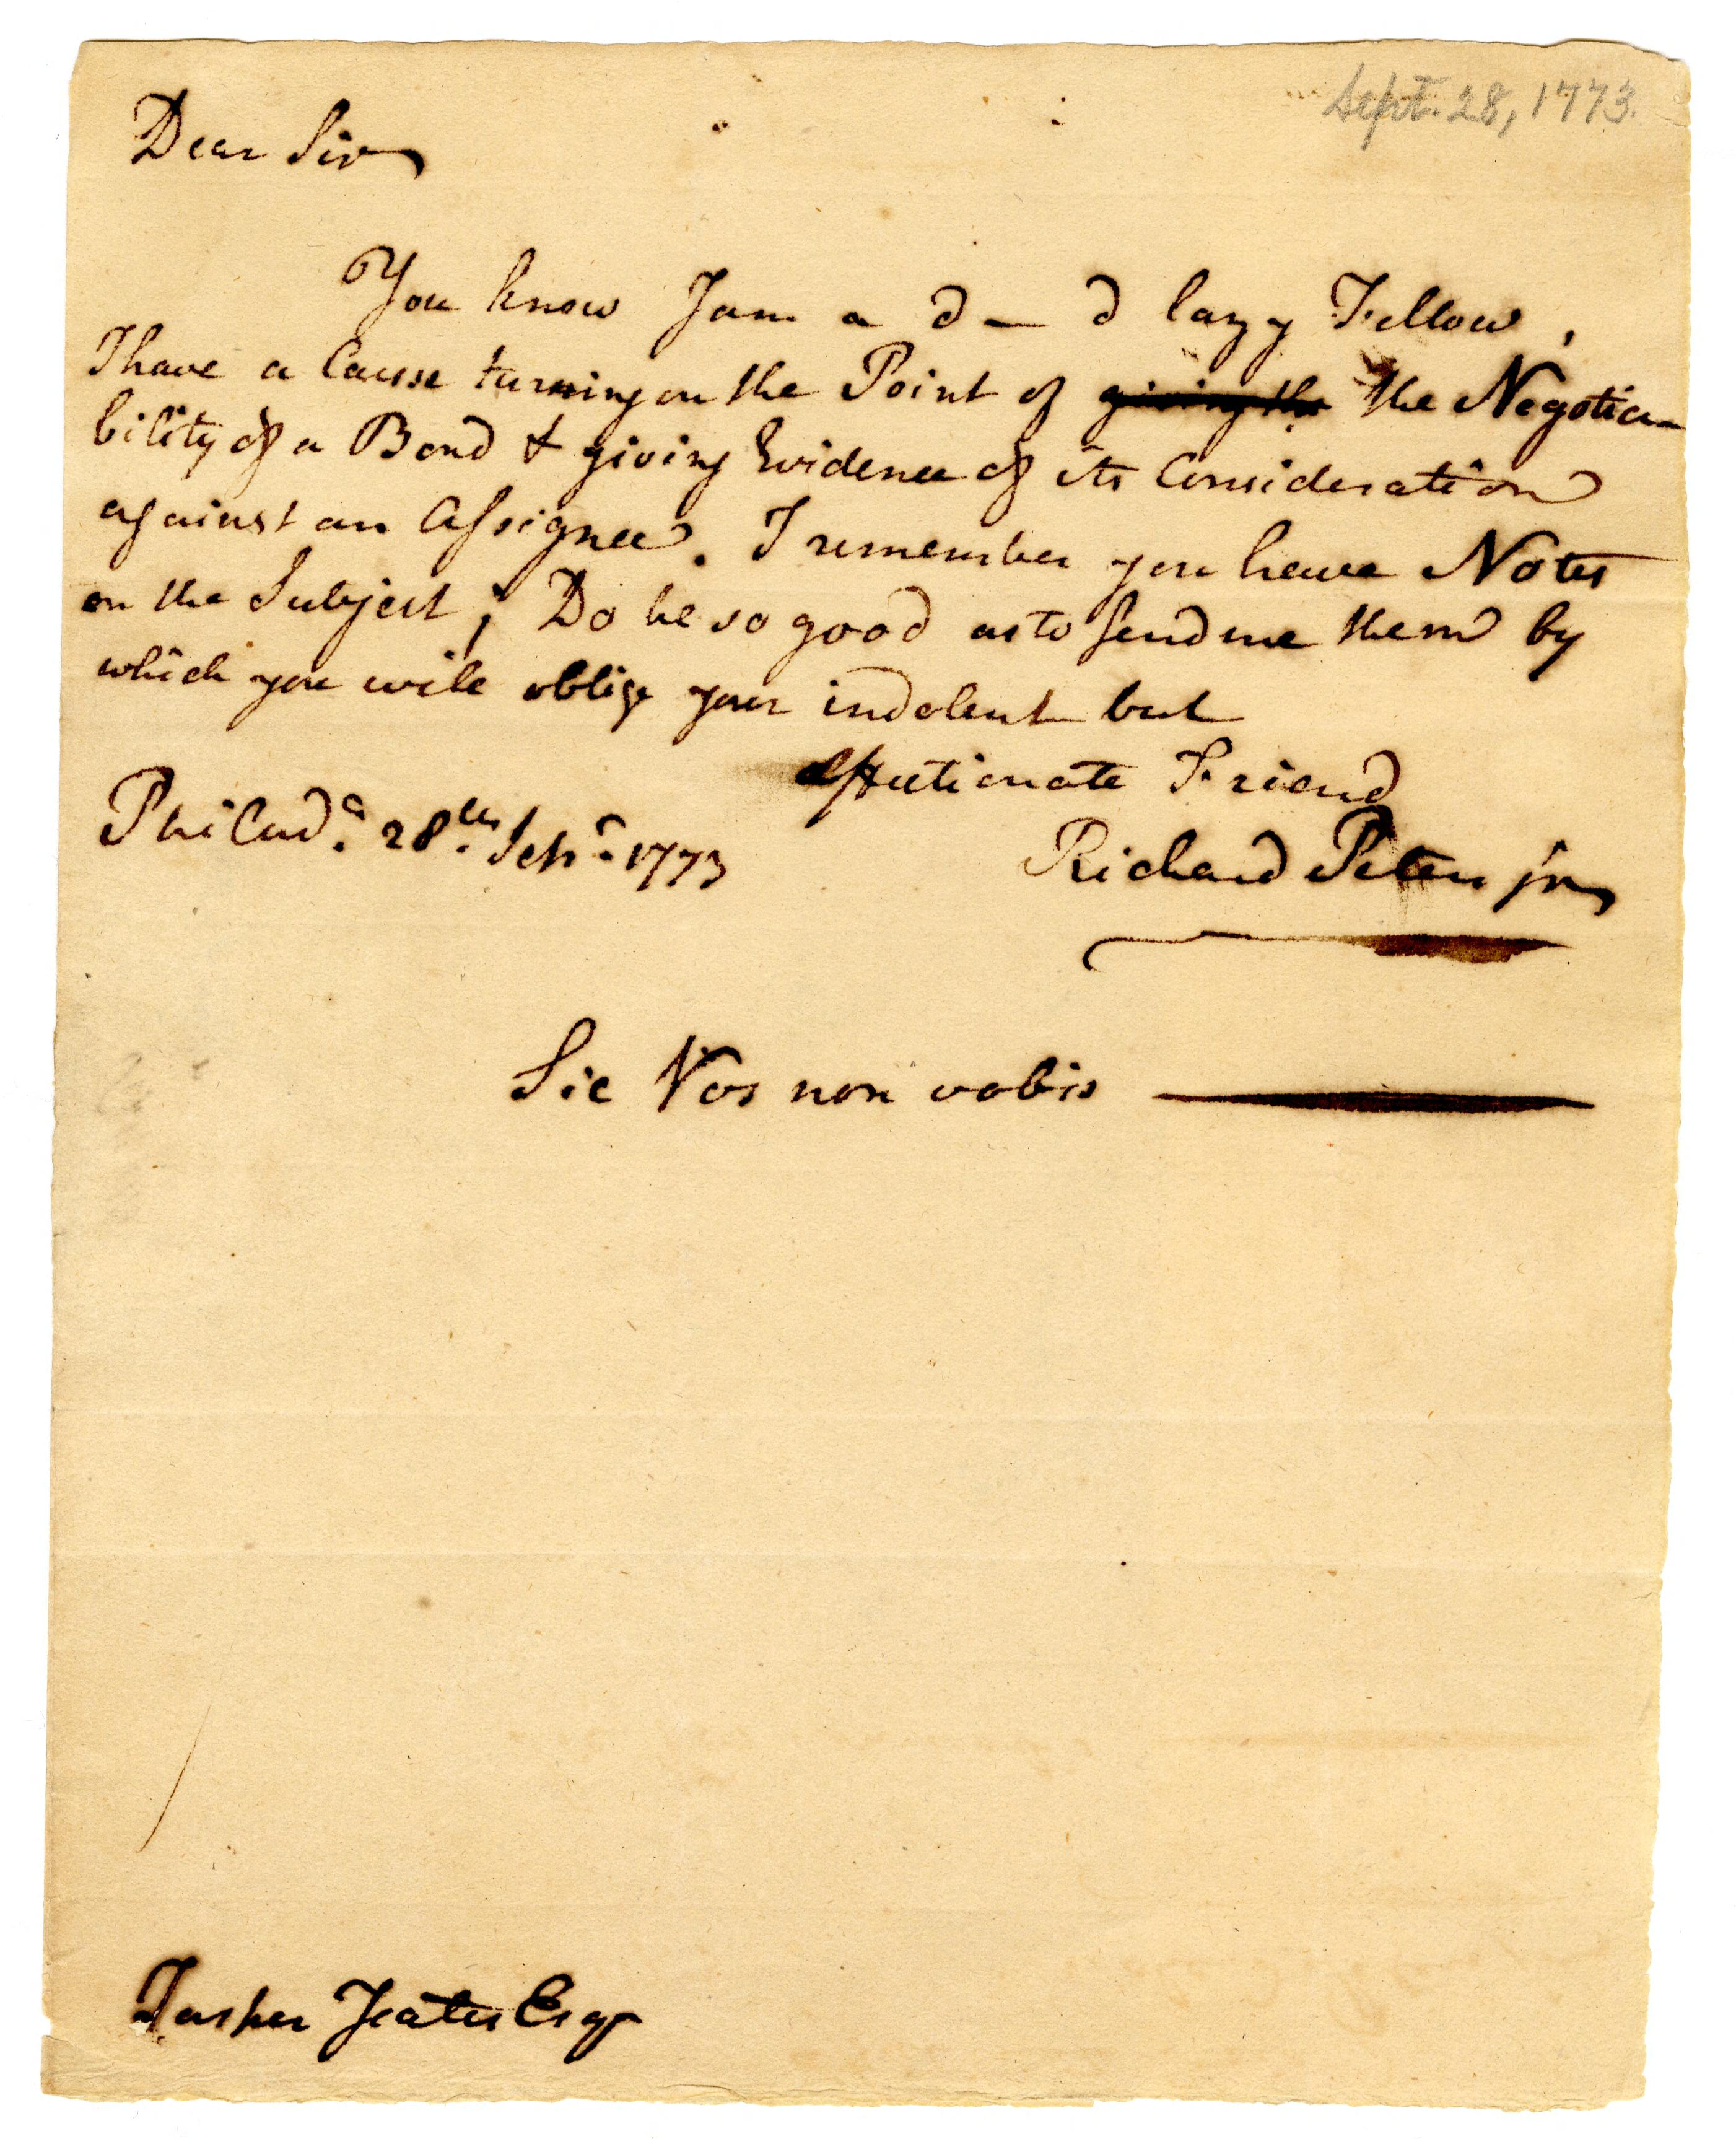Dear Sir
You know I am a d----d lazy fellow
I have a Cause turning on the Point of [giving the] the Negotia-
-bility of a Bond & giving Evidence of its Consideration
against an Assignee. I remember you have Notes
on the Subject; Do be so good as to send me them by
which you will oblige your indolent but
Affectionate Friend
Richard Peters Jr
Philad^a. 28^th Sep^t. 1773
Sic Vos non vobis-
Jasper Yeates Esq^r.